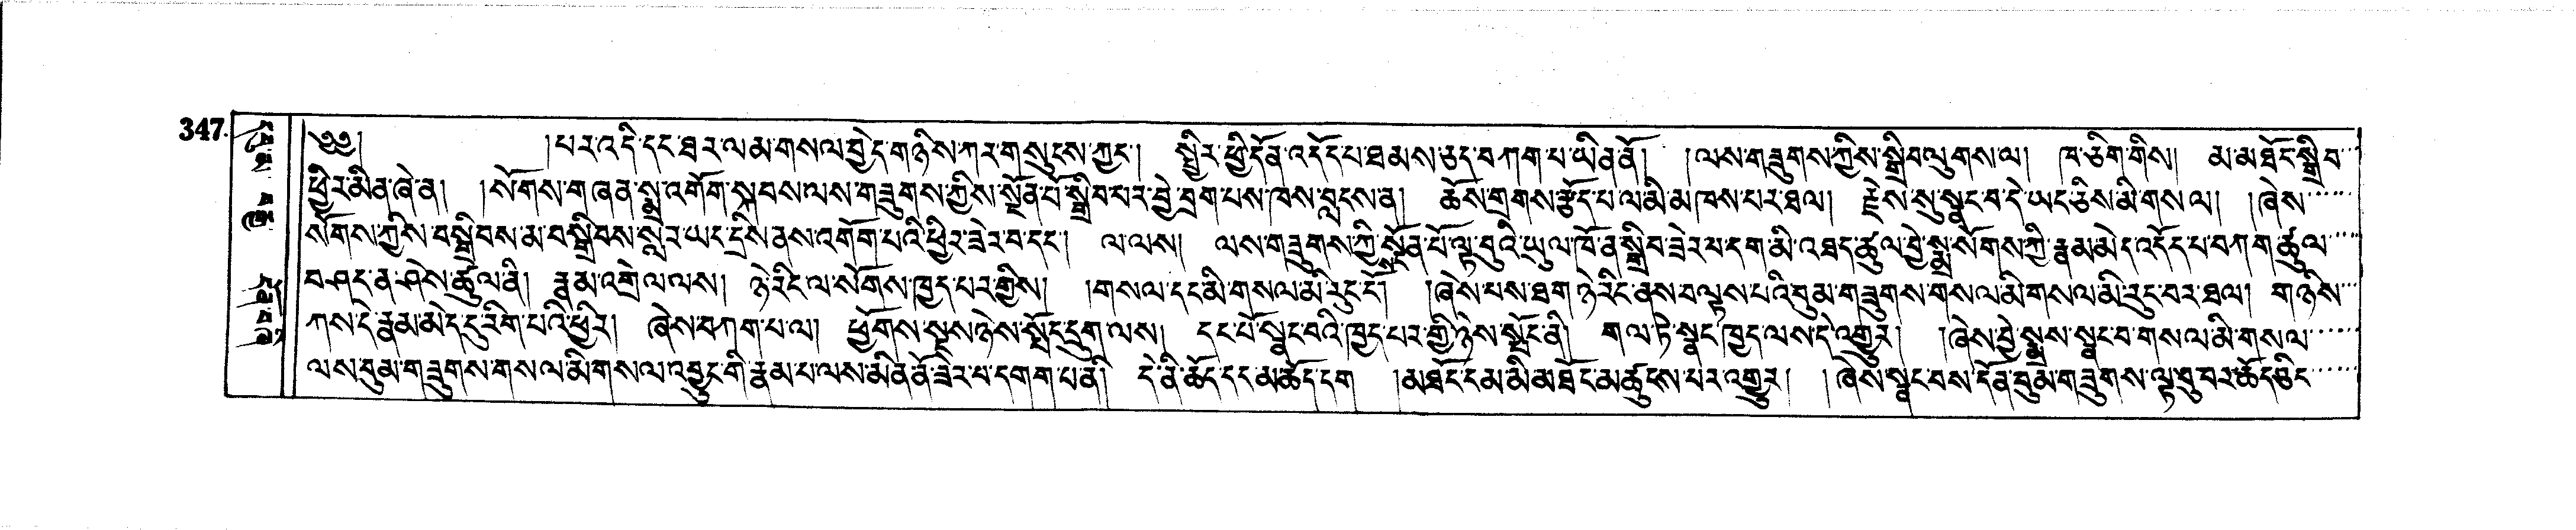༄༅། །པར་འདི་དང་ཐར་ལམ་གསལ་བྱེད་གཉིས་ཀར་གསུངས་ཀྱང་། སྤྱིར་ཕྱི་དོན་འདོད་པ་ཐམས་ཅད་བཀག་པ་ཡིན་ནོ། །ལས་གཟུགས་ཀྱིས་སྒྲིབ་ལུགས་ལ། ཁ་ཅིག་གིས། མ་མཐོང་སྒྲིབ་
ཕྱིར་མིན་ཞེ་ན། །སོགས་གཞན་སྨྲ་འགོག་སྐབས་ལས་གཟུགས་ཀྱིས་སྔོན་པོ་སྒྲིབ་པར་བྱེ་བྲག་པས་ཁས་བླངས་ན། ཆོས་གྲགས་རྩོད་པ་ལ་མི་མཁས་པར་ཐལ། རྗེས་སུ་སྣང་བ་དེ་ཡང་ཅིས་མི་གསལ། །ཞེས་
སོགས་ཀྱིས་བསྒྲིབས་མ་བསྒྲིབས་སླར་ཡང་དྲིས་ནས་འགོག་པའི་ཕྱིར་ཟེར་བ་དང་། ལ་ལས། ལས་གཟུགས་ཀྱིས་སྔོན་པོ་ལྟ་བུའི་ཡུལ་ཁོ་ན་སྒྲིབ་ཟེར་པ་དག་མི་འཐད་ཚུལ་བྱེ་སྨྲ་སོགས་ཀྱི་རྣམ་མེད་འདོད་པ་བཀག་ཚུལ་
བཤད་ན་ཤེས་ཚུལ་ནི། རྣམ་འགྲེལ་ལས། ཉེ་རིང་ལ་སོགས་ཁྱད་པར་གྱིས། །གསལ་དང་མི་གསལ་མི་རུང་ངོ། །ཞེས་པས་ཐག་ཉེ་རིང་ནས་བལྟས་པའི་བུམ་གཟུགས་གསལ་མི་གསལ་མི་རུང་བར་ཐལ། གཉིས་
ཀས་དེ་རྣམ་མེད་དུ་རིག་པའི་ཕྱིར། ཞེས་བཀག་པ་ལ། ཕྱོགས་སྔས་ཉེས་སྤོང་དྲུག་ལས། དང་པོ་སྣང་བའི་ཁྱད་པར་གྱི་ཉེས་སྤོང་ནི། གལ་ཏེ་སྣང་ཁྱད་ལས་དེ་འགྱུར། །ཞེས་བྱེ་སྨྲས་སྣང་བ་གསལ་མི་གསལ་
ལས་བུམ་གཟུགས་གསལ་མི་གསལ་འབྱུང་གི་རྣམ་པ་ལས་མིན་ནོ་ཟེར་བ་དགག་པ་ནི། དེ་ནི་ཆོད་དང་མ་ཆོད་དག །མཐོང་ངམ་མི་མཐོང་མཚུངས་པར་འགྱུར། །ཞེས་སྣང་བས་དོན་བུམ་གཟུགས་ལྟ་བུ་བར་ཆོད་ཅིང་